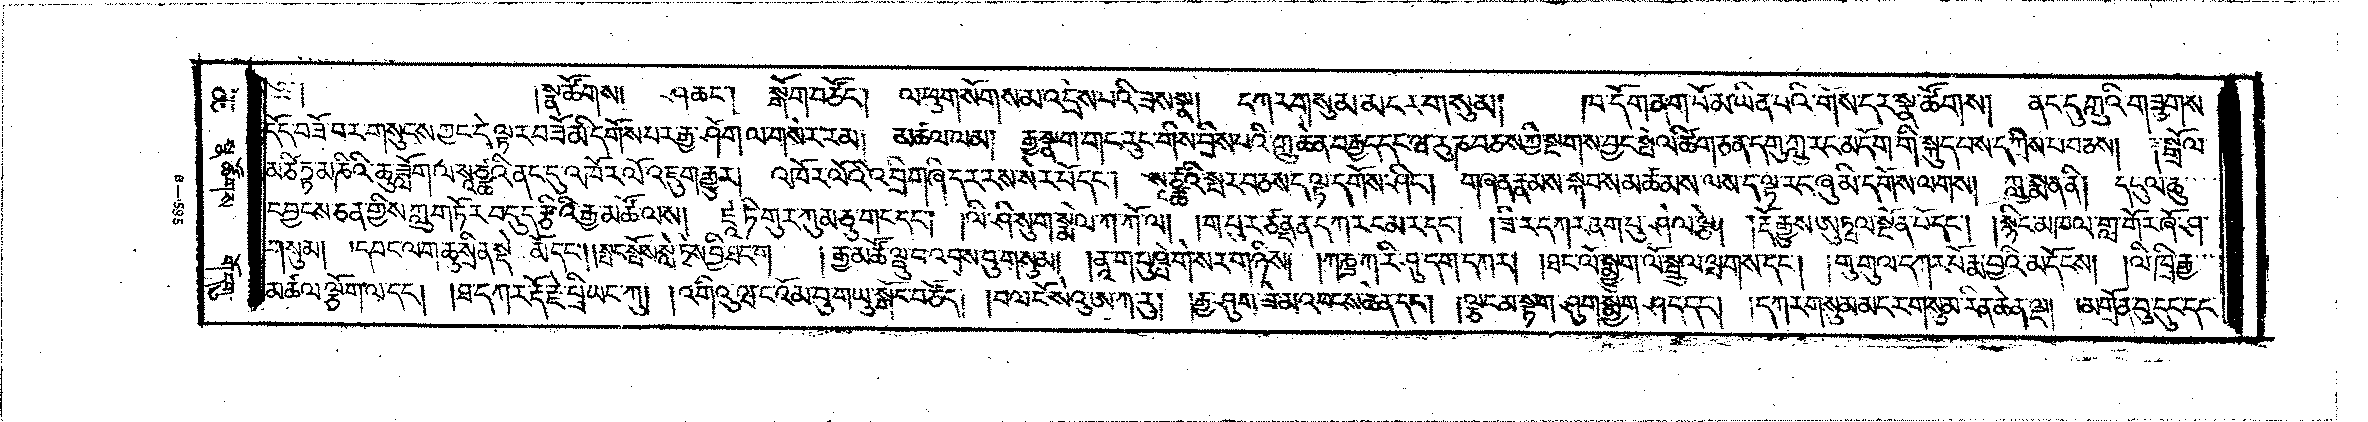༄༅། །སྣ་ཚོགས། ཤ་ཆང་། སྒོག་བཙོང་། ལ་ཕུག་སོགས་མ་འདྲེས་པའི་ཟས་སྣ། དཀར་གསུམ་མངར་གསུམ། ཁ་དོག་ནག་པོ་མ་ཡིན་པའི་གོས་དར་སྣ་ཚོགས། ནང་དུ་ཀླུའི་གཟུགས་
དོད་བཟོ་བར་གསུངས་ཀྱང་དེ་ལྟར་བཟོ་མི་དགོས་པར་རྒྱ་ཤོག་ལ་གསེར་རམ། མཚལ་ལམ། རྒྱ་སྣག་གང་རུང་གིས་བྲིས་པའི་ཀླུ་ཆེན་བརྒྱད་དང་ཝ་རུ་ཎ་བཅས་ཀྱི་སྔགས་བྱང་སྤེལ་ཚིག་ཅན་དགུ་ཀླུ་རང་མདོག་གི་སྐུད་པས་དཀྲིས་པ་བཅས། ༈ སྒྲོལ་
མ་ཙིཏྟ་མཎིའི་ཆུ་ཟློག་ལ་སཱཙྪའི་ནང་དུ་འཁོར་ལོ་འཇུག་རྒྱུར། འཁོར་ལོའི་འབྲིག་གཞི་དར་རས་སེར་པོ་དང་། སཱཙྪའི་སྤར་བཅས་ད་ལྟ་དགོས་ཤིང་། གཞན་རྣམས་སྐབས་མཚམས་ལས་ད་ལྟ་རང་ཞུ་མི་དགོས་ལགས། ཀླུ་སྨན་ནི། དངུལ་ཆུ་
དབྱངས་ཅན་གྱིས་ཀླུ་གཏོར་བདུད་རྩིའི་རྒྱ་མཚོ་ལས། ཛཱ་ཏི་གུར་ཀུམ་ཅུ་གང་དང་། །ལི་ཤི་སུག་སྨེལ་ཀ་ཀོ་ལ། །ག་པུར་ཙནྡན་དཀར་དམར་དང་། །ཟི་ར་དཀར་ནག་པུ་ཤེལ་ལྕེ། །རྡོ་རྒྱུས་ཨུཏྤལ་སྔོན་པོ་དང་། །སྙིང་མཁའ་གླ་གོར་ཞོ་ཤ་
གསུམ། །དབང་ལག་ཆུ་སྲིན་སྡེ་མོ་དང་། །སྤང་སྤོས་སླེ་ཏྲེས་བྱི་ཐང་ག །རྒྱ་མཚོ་ལྦུ་བ་འབྲས་བུ་གསུམ། །ནཱ་ག་པུཥྤེ་གེ་སར་གཉིས། །ཀཎྜ་ཀ་རི་ཤུ་དག་དཀར། །ཐང་ལོ་སྨྱུག་ལོ་སྦྲུལ་ལྤགས་དང་། །གུ་གུལ་དཀར་པོ་རྨ་བྱའི་མདོངས། །ལི་ཁྲི་རྒྱ་
མཚལ་ལྕོག་ལ་དང་། །ཐ་དཀར་རྡོ་རྗེ་པྲི་ཡང་ཀུ། །འགིའུ་ཝང་འོམ་བུ་གཡུ་སྒོང་བཙོད། །བལ་ངོ་སེའུ་ཨ་ཀ་རུ། །རྒྱ་ཤུག་ཟེ་མ་འཕངས་ཆེན་དང་། །ལྕང་མ་སྟག་ཤུག་སྨྱག་ཤད་དང་། །དཀར་གསུམ་མངར་གསུམ་རིན་ཆེན་ལྔ། །མགྲོན་བུ་དུང་དང་